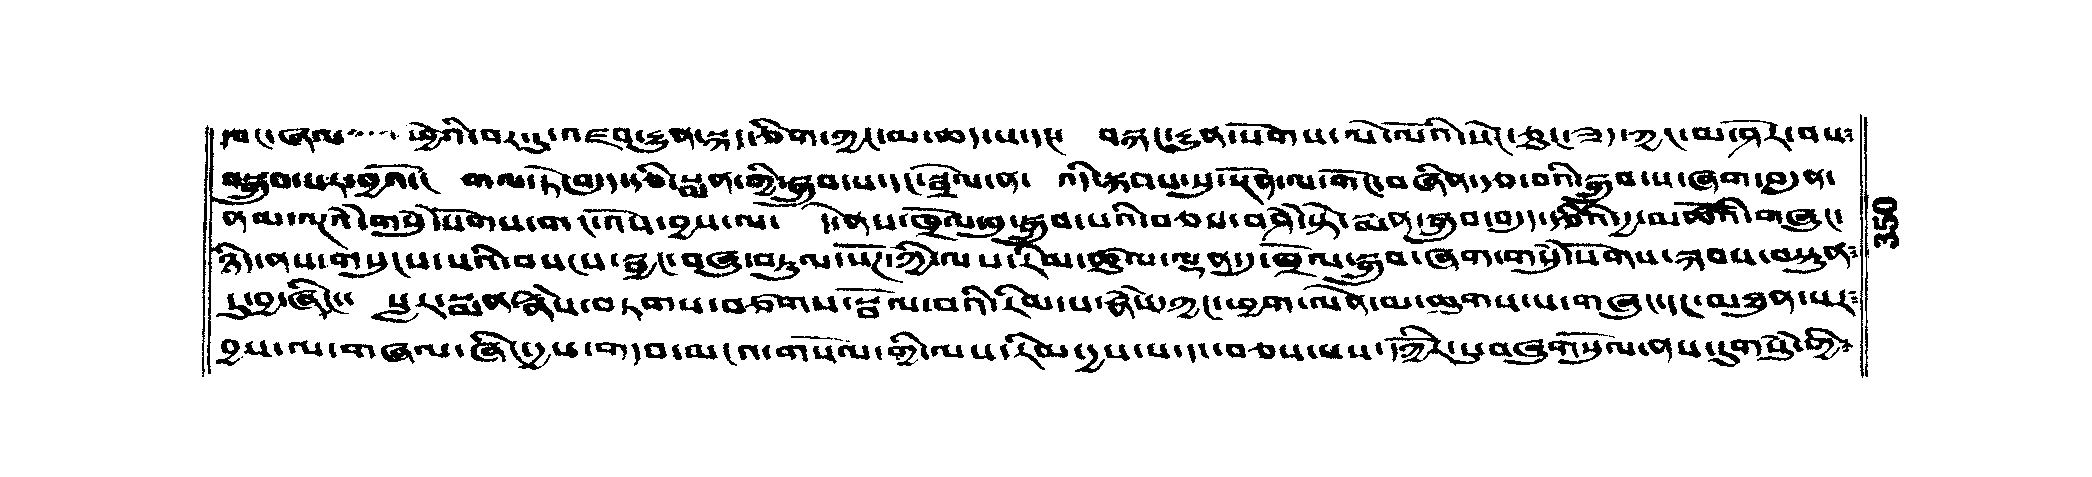དབང་ཞལ་ཕྱེའི་བར་དུ་འཛབ་རྒྱུན་སྐད་ཅིག་ཀྱང་ལམ་ཆད་པ་དང་། བསྐང་རྒྱུན་སོགས་ལེ་ལོའི་སེང་ཅུང་ཟད་ཀྱང་མ་ཤོར་བའི་
བསྒྲུབ་པར་བྱའོ། གལ་ཏེ་བདུད་རྩི་སྨན་གྱི་སྒྲུབ་པ་དང་སྦྲེལ་ན། འདི་སྐབས་སུ་སྔོན་ལ་གོང་བཞིན་རྩ་བའི་སྒྲུབ་པ་ཞག་བདུན་
ནམ་ལྔའམ་གསུམ་སོགས་གང་འོས་བྱས་ལ། དེ་ནས་ཁྲོལ་བུ་སྒྲུབ་པའི་བཅས་བཤམ་སྟེ་སྨན་སྒྲུབ་བདུད་རྩིའི་རྒྱ་མཚོའི་གཞུང་
ཉིད་ནས་གསུངས་པའི་བསངས་སྦྱངས་བཞུ་བཏུལ་སོགས་ཀྱི་ལས་རིམ་ཚུལ་ལྡན་དུ་ཁྲོལ་སྒྲུབ་ཞག་གསུམ་སོགས་སྐབས་བསྟུན་
དུ་བྱ་ཞིང་། སླར་སྨན་རྣམས་བཏགས་བཙགས་སྦོལ་བའི་རིམ་པ་རྣམས་ཀྱང་ཕྱག་ལེན་མ་འཆུག་པ་གཞུང་དང་མཐུན་པར་
བྱས་ལ་གཞལ་ཞིང་རྒྱས་གདབ་མངའ་གསོལ་གྱི་ལས་རིམ་རྒྱས་པ་དང་བཅས་པས་དཀྱིལ་འཁོར་དུ་བཞུགས་སུ་གསོལ་ནས་དུག་གསུམ་གྱི་